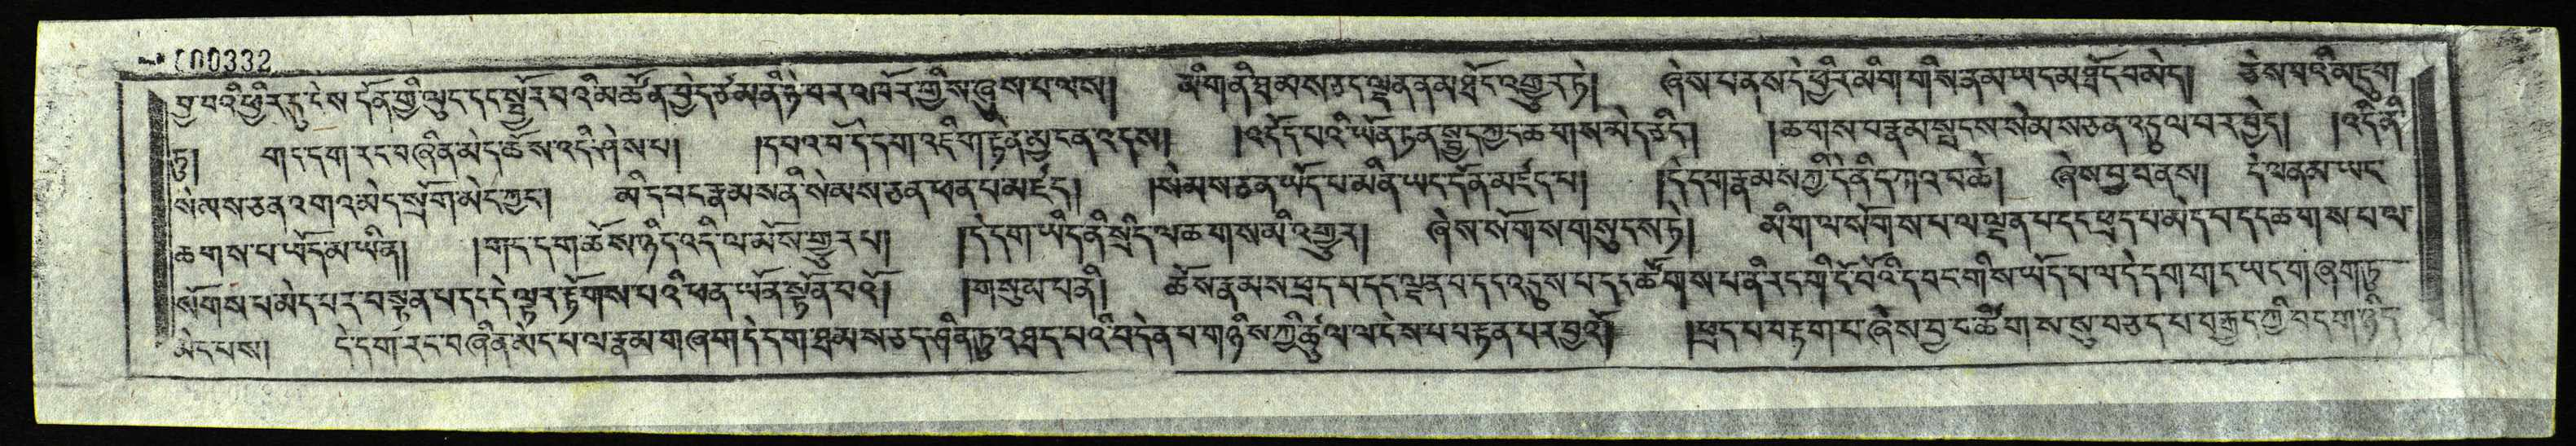བྱ་བའི་ཕྱིར་དུ་ངེས་དོན་གྱི་ལུང་དང་སྦྱོར་བའི་མཚོན་བྱེད་ཙམ་ནི་ཉེ་བར་འཁོར་གྱིས་ཞུས་པ་ལས། མིག་ནི་ཐམས་ཅད་ལྡན་ན་མཐོང་འགྱུར་ཏེ། ཞེས་པ་ནས་དེ་ཕྱིར་མིག་གིས་ནམ་ཡང་མཐོང་བ་མེད། ཅེས་པའི་མཇུག་
ཏུ། གང་དག་རང་བཞིན་མེད་ཆོས་འདི་ཤེས་པ། །དཔའ་བོ་དེ་དག་འཇིག་རྟེན་མྱ་ངན་འདས། །འདོད་པའི་ཡོན་ཏན་སྤྱད་ཀྱང་ཆགས་མེད་ཅིང་། །ཆགས་པ་རྣམ་སྤངས་སེམས་ཅན་འདུལ་བར་བྱེད། །འདི་ནི་
སེམས་ཅན་འགའ་མེད་སྲོག་མེད་ཀྱང་། མི་དབང་རྣམས་ནི་སེམས་ཅན་ཕན་པ་མཛད། །སེམས་ཅན་ཡོད་པ་མིན་ཡང་དོན་མཛད་པ། །དེ་དག་རྣམས་ཀྱི་དེ་ནི་དཀའ་བ་ཆེ། ཞེས་བྱ་བ་ནས། དེ་ལ་ནམ་ཡང་
ཆགས་པ་ཡོད་མ་ཡིན། །གང་དག་ཆོས་ཉིད་འདི་ལ་མོས་གྱུར་པ། །དེ་དག་ཡིད་ནི་སྲིད་ལ་ཆགས་མི་འགྱུར། ཞེས་སོགས་གསུངས་ཏེ། མིག་ལ་སོགས་པ་ལ་ལྡན་པ་དང་ཕྲད་པ་མེད་པ་དང་ཆགས་པ་ལ་
སོགས་པ་མེད་པར་བསྟན་པ་དང་དེ་ལྟར་རྟོགས་པའི་ཕན་ཡོན་སྟོན་པའོ། །གསུམ་པ་ནི། ཆོས་རྣམས་ཕྲད་པ་དང་ལྡན་པ་དང་འདུས་པ་དང་ཚོགས་པ་ནི་རང་གི་ངོ་བོའི་དབང་གིས་ཡོད་པ་ལ་དེ་དག་གང་ཡང་གཞག་ཏུ་
མེད་པས། དེ་དག་རང་བཞིན་མེད་པ་ལ་རྣམ་གཞག་དེ་དག་ཐམས་ཅད་ཤིན་ཏུ་འཐད་པའི་བདེན་པ་གཉིས་ཀྱི་ཚུལ་ལ་ངེས་པ་བརྟན་པར་བྱའོ། །ཕྲད་པ་བརྟག་པ་ཞེས་བྱ་བ་ཚིགས་སུ་བཅད་པ་བརྒྱད་ཀྱི་བདག་ཉིད་